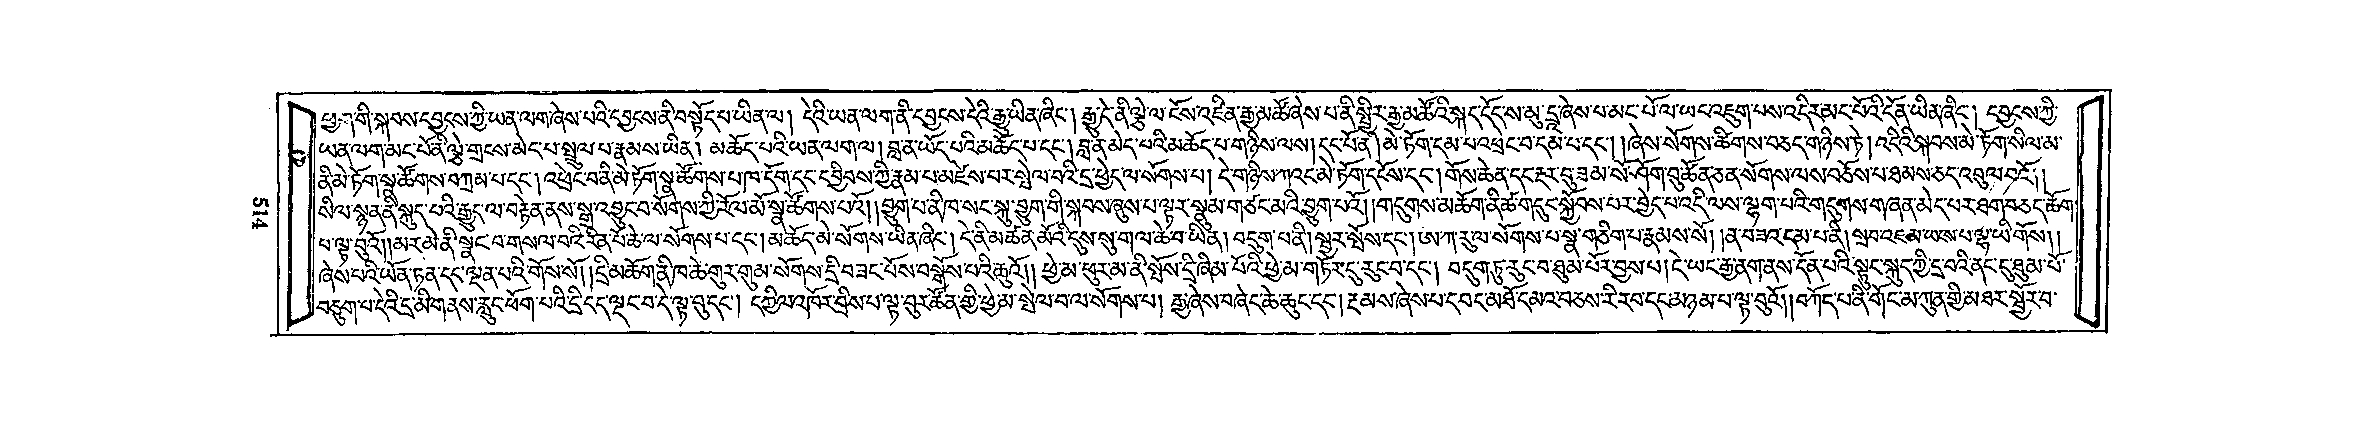ཕྱག་གི་སྐབས་དབྱངས་ཀྱི་ཡན་ལག་ཞེས་པའི་དབྱངས་ནི་བསྟོད་པ་ཡིན་ལ། དེའི་ཡན་ལག་ནི་དབྱངས་དེའི་རྒྱུ་ཡིན་ཞིང་། རྒྱུ་དེ་ནི་ལྕེ་ལ་ངོས་འཛིན་རྒྱ་མཚོ་ཞེས་པ་ནི་སྤྱིར་རྒྱ་མཚོའི་སྐད་དོད་ས་མུ་དྲཱ་ཞེས་པ་མང་པོ་ལ་ཡང་འཇུག་པས་འདིར་མང་པོའི་དོན་ཡིན་ཞིང་། དབྱངས་ཀྱི་
ཡན་ལག་མང་པོ་ནི་ལྕེ་གྲངས་མེད་པ་སྤྲུལ་པ་རྣམས་ཡིན། མཆོད་པའི་ཡན་ལག་ལ། བླ་ན་ཡོད་པའི་མཆོད་པ་དང་། བླ་ན་མེད་པའི་མཆོད་པ་གཉིས་ལས། དང་པོ་ནི། མེ་ཏོག་དམ་པ་འཕྲང་བ་དམ་པ་དང་། །ཞེས་སོགས་ཚིགས་བཅད་གཉིས་ཏེ། འདིའི་སྐབས་མེ་ཏོག་སིལ་མ་
ནི་མེ་ཏོག་སྣ་ཚོགས་བཀྲམ་པ་དང་། འཕྲེང་བ་ནི་མེ་ཏོག་སྣ་ཚོགས་པ་ཁ་དོག་དང་དབྱིབས་ཀྱི་རྣམ་པ་མཛེས་པར་སྤེལ་བའི་དྲ་ཕྱེད་ལ་སོགས་པ། དེ་གཉིས་ཀའང་མེ་ཏོག་དངོས་དང་། གོས་ཆེན་དང་རྡར་བུ་ཟམ་སོ་ཤོག་བུ་ཚོན་ཅན་སོགས་ལས་བཅོས་པ་ཐམས་ཅད་འབུལ་བའོ། །
སིལ་སྙན་ནི་སྐུད་པའི་རྒྱུད་ལ་བརྟེན་ནས་སྒྲ་འབྱུང་བ་སོགས་ཀྱི་རོལ་མོ་སྣ་ཚོགས་པའོ། །བྱུག་པ་ནི་ཁ་སང་སྐུ་བྱུག་གི་སྐབས་ཞུས་པ་ལྟར་སྣུམ་གཙང་མའི་བྱུག་པའོ། །གདུགས་མཆོག་ནི་ཚ་གདུང་སྐྱོབས་པར་བྱེད་པ་འདི་ལས་ལྷག་པའི་གདུགས་གཞན་མེད་པར་ཐག་བཅད་ཆོག་
པ་ལྟ་བུའོ། །མར་མེ་ནི་སྣང་བ་གསལ་བའི་རིན་པོ་ཆེ་ལ་སོགས་པ་དང་། མཆོད་མེ་སོགས་ཡིན་ཞིང་། དེ་ནི་མཚན་མོའི་དུས་སུ་གལ་ཆེ་བ་ཡིན། བདུག་པ་ནི། སྦྱར་སྤོས་དང་། ཨ་ཀ་རུ་ལ་སོགས་པ་སྣ་གཅིག་པ་རྣམས་སོ། །ན་བཟའ་དམ་པ་ནི། སྲབ་འཇམ་ཡས་པ་ལྷ་ཡི་གོས། །
ཞེས་པའི་ཡོན་ཏན་དང་ལྡན་པའི་གོས་སོ། །དྲི་མཆོག་ནི་ཁ་ཆེ་གུར་གུམ་སོགས་དྲི་བཟང་པོས་བསྒོས་པའི་ཆུའོ། །ཕྱེ་མ་ཕུར་མ་ནི་སྤོས་དྲི་ཞིམ་པོའི་ཕྱེ་མ་གཏོར་དུ་རུང་བ་དང་། བདུག་ཏུ་རུང་བ་ཐུབ་པོར་བྱས་པ། དེ་ཡང་རྒྱ་ནག་ནས་དོན་པའི་སྟུང་སྐུད་ཀྱི་དྲ་བའི་ནང་དུ་ཐུམ་པོ་
བཅུག་པ་དེའི་དྲ་མི་གནས་རླུང་ཕོག་པའི་དྲི་ངད་ལྡང་བ་དེ་ལྟ་བུ་དང་། དཀྱིལ་འཁོར་བྲིས་པ་ལྟ་བུར་ཚོན་གྱི་ཕྱེ་མ་སྤེལ་བ་ལ་སོགས་པ། རྒྱ་ཞེས་བཞེད་ཆེ་ཆུང་དང་། རྔམས་ཞེས་པ་དབང་མཐོ་དམའ་བཅས་རི་རབ་དང་མཉམ་པ་ལྟ་བུའོ། །བཀོད་པ་ནི་གོང་མ་ཀུན་གྱི་མཐར་སྦྱོར་བ་